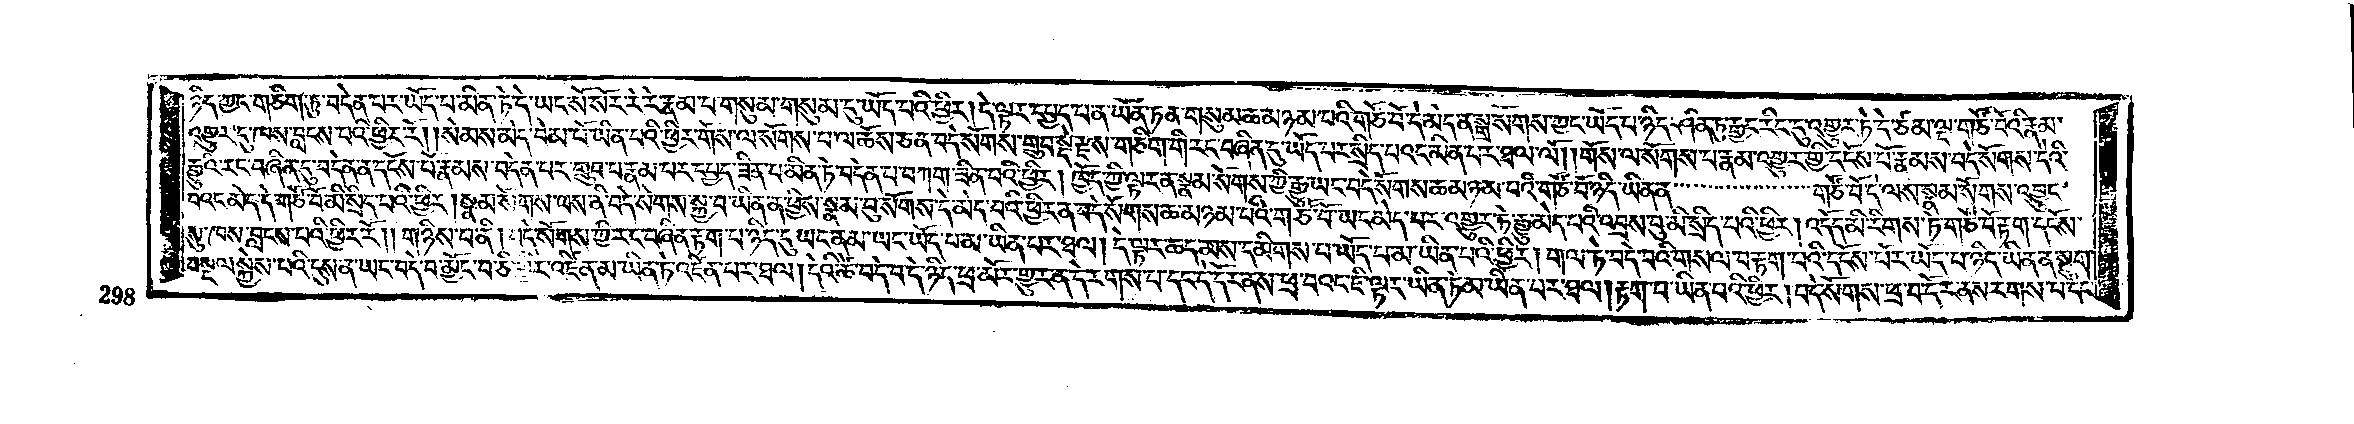ཉིད་ཀྱང་གཅིག་ཏུ་བདེན་པར་ཡོད་པ་མིན་ཏེ་དེ་ཡང་སོ་སོར་རེ་རེ་རྣམ་པ་གསུམ་གསུམ་དུ་ཡོད་པའི་ཕྱིར། དེ་ལྟར་དཔྱད་པ་ན་ཡོན་ཏན་གསུམ་ཆ་མཉམ་པའི་གཙོ་བོ་དེ་ན་སྒྲ་སོགས་ཀྱང་ཡོད་པ་ཉིད་ཤིན་ཏུ་རྒྱ་རིང་དུ་འགྱུར་ཏེ་དེ་ཙམ་ལྔ་གཙོ་བོའི་རྣམ་
འགྱུར་དུ་ཁས་བླངས་པའི་ཕྱིར་རོ། །སེམས་མེད་བེམ་པོ་ཡིན་པའི་ཕྱིར་གོས་ལ་སོགས་པ་ལ་ཆོས་ཅན་བདེ་སོགས་གྲུབ་སྡེ་རྫས་གཅིག་གི་རང་བཞིན་དུ་ཡོད་པར་སྲིད་པའང་མིན་པར་ཐལ་ལོ། །གོས་ལ་སོགས་པ་རྣམ་འགྱུར་གྱི་དངོས་པོ་རྣམས་བདེ་སོགས་དེའི་
རྒྱུའི་རང་བཞིན་དུ་བདེན་ན་དངོས་པོ་རྣམས་བདེན་པར་གྲུབ་པ་རྣམ་པར་དཔྱད་ཟིན་པ་མིན་ཏེ་བདེན་པ་བཀག་ཟིན་པའི་ཕྱིར། ཁྱོད་ཀྱི་ལྟར་ན་སྣམ་སོགས་ཀྱི་རྒྱུ་ཡང་བདེ་སོགས་ཆ་མཉམ་པའི་གཙོ་བོ་ཉིད་ཡིན་ན་གཙོ་བོ་དེ་ལས་སྣམ་སོགས་འབྱུང་
བའང་མེད་དེ་གཙོ་བོ་མི་སྲིད་པའི་ཕྱིར། སྣམ་སོགས་ལས་ནི་བདེ་སོགས་སྐྱེ་བ་ཡིན་ན་ཕྱིས་སྣམ་བུ་སོགས་དེ་མེད་པའི་ཕྱིར་ན་བདེ་སོགས་ཆ་མཉམ་པའི་གཙོ་བོ་ཡང་མེད་པར་འགྱུར་ཏེ་རྒྱུ་མེད་པའི་འབྲས་བུ་མི་སྲིད་པའི་ཕྱིར། འདོད་མི་རིགས་ཏེ་གཙོ་བོ་རྟག་དངོས་
སུ་ཁས་བླངས་པའི་ཕྱིར་རོ། །གཉིས་པ་ནི། །དེ་སོགས་ཀྱི་རང་བཞིན་རྟག་པ་ཉིད་དུ་ཡང་ནམ་ཡང་ཡོད་པ་མ་ཡིན་པར་ཐལ། དེ་ལྟར་ཚད་མས་དམིགས་པ་ཡོད་པ་མ་ཡིན་པའི་ཕྱིར། གལ་ཏེ་བདེ་བའི་གསལ་བ་རྟག་པའི་དངོས་པོར་ཡོད་པ་ཉིད་ཡིན་ན་སྡུག་
བསྔལ་སྐྱེས་པའི་དུས་ན་ཡང་བདེ་བ་མྱོང་བ་ཅི་ཕྱིར་འཛིན་མ་ཡིན་ཏེ་འཛིན་པར་ཐལ། དེའི་ཚེ་བདེ་བ་དེ་ཉིད་ཕྲ་མོར་གྱུར་ན་དེ་རགས་པ་དང་དེ་དོར་ནས་ཕྲ་བའང་ཇི་ལྟར་ཡིན་ཏེ་མ་ཡིན་པར་ཐལ། རྟག་པ་ཡིན་པའི་ཕྱིར། བདེ་སོགས་ཕྲ་བ་དོར་ནས་རགས་པ་དང་